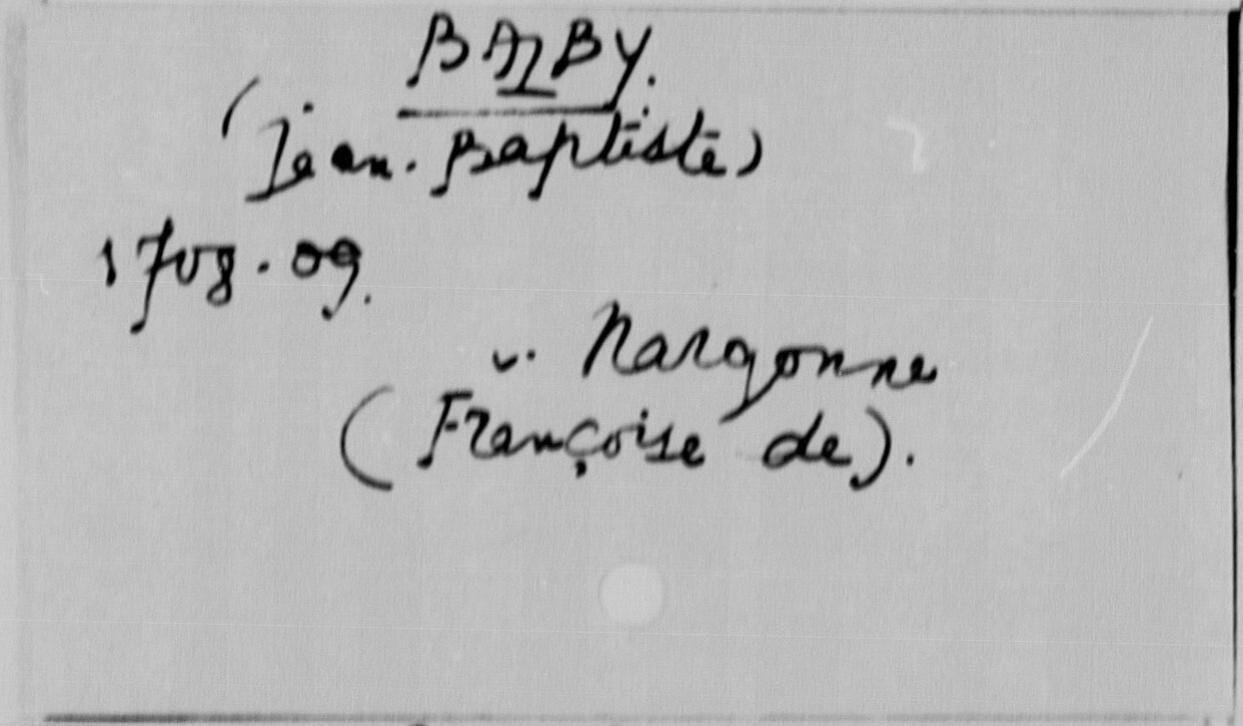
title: BALBY (Jean-Baptiste)
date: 1708-1709
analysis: Voir Nargonne (Françoise de)
